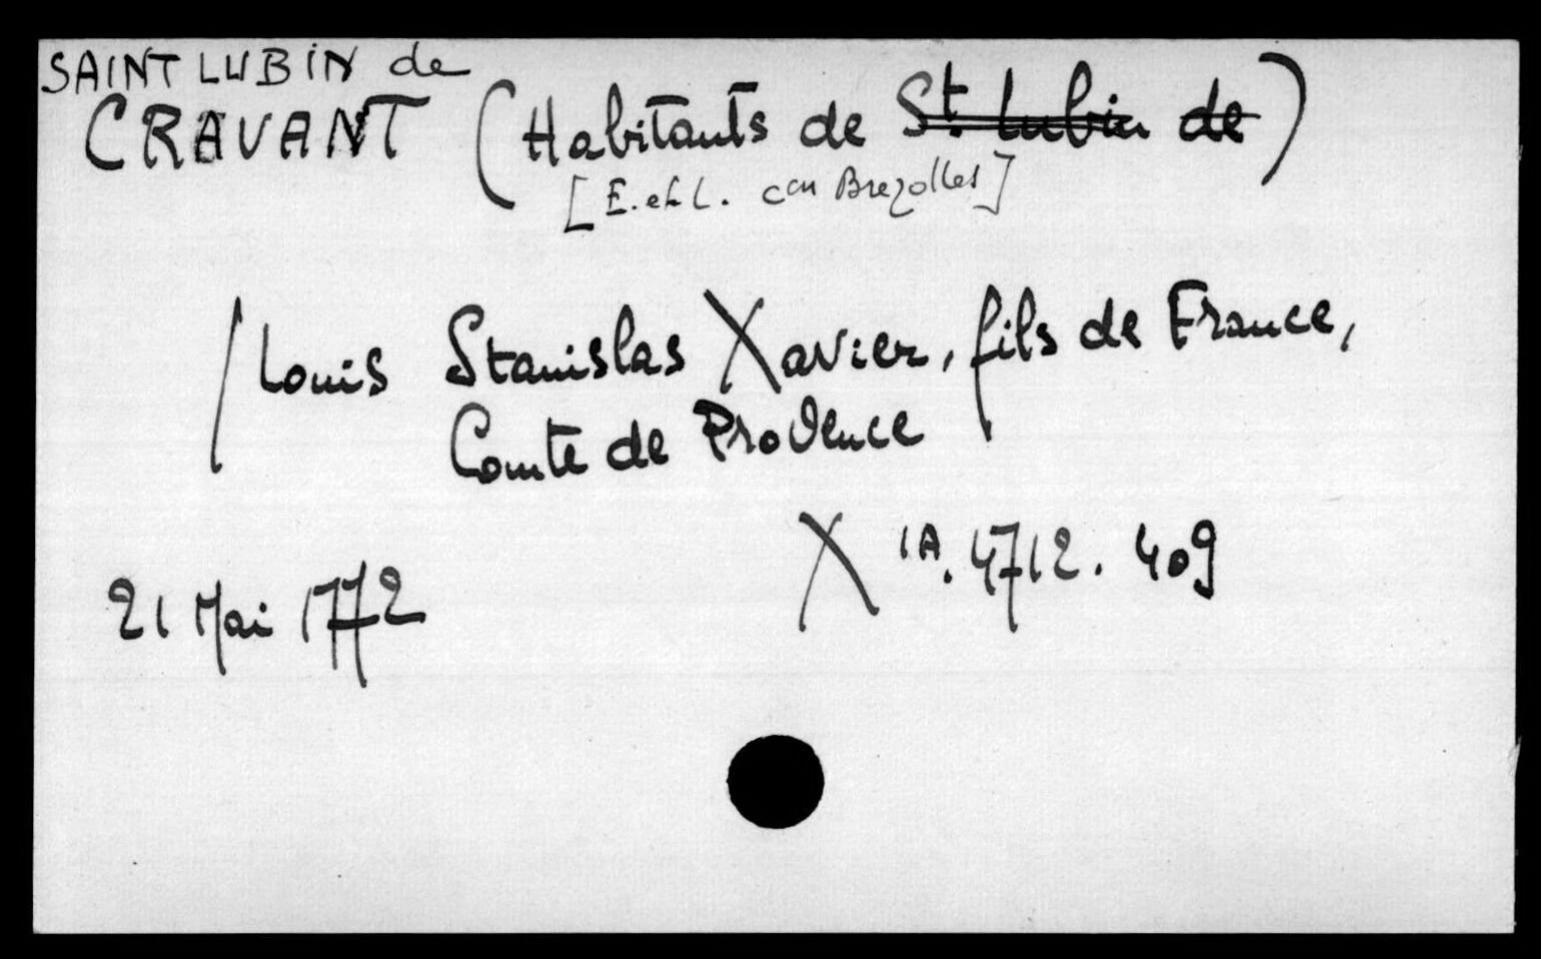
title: SAINT LUBIN de CRAVANT (Habitants de)[Eure-et-Loire, canton Brezolles]
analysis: Contre Louis Stanislas Xavier, fils de France, Comte de Provence
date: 21 mai 1772
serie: X1A
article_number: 4712
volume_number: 409
